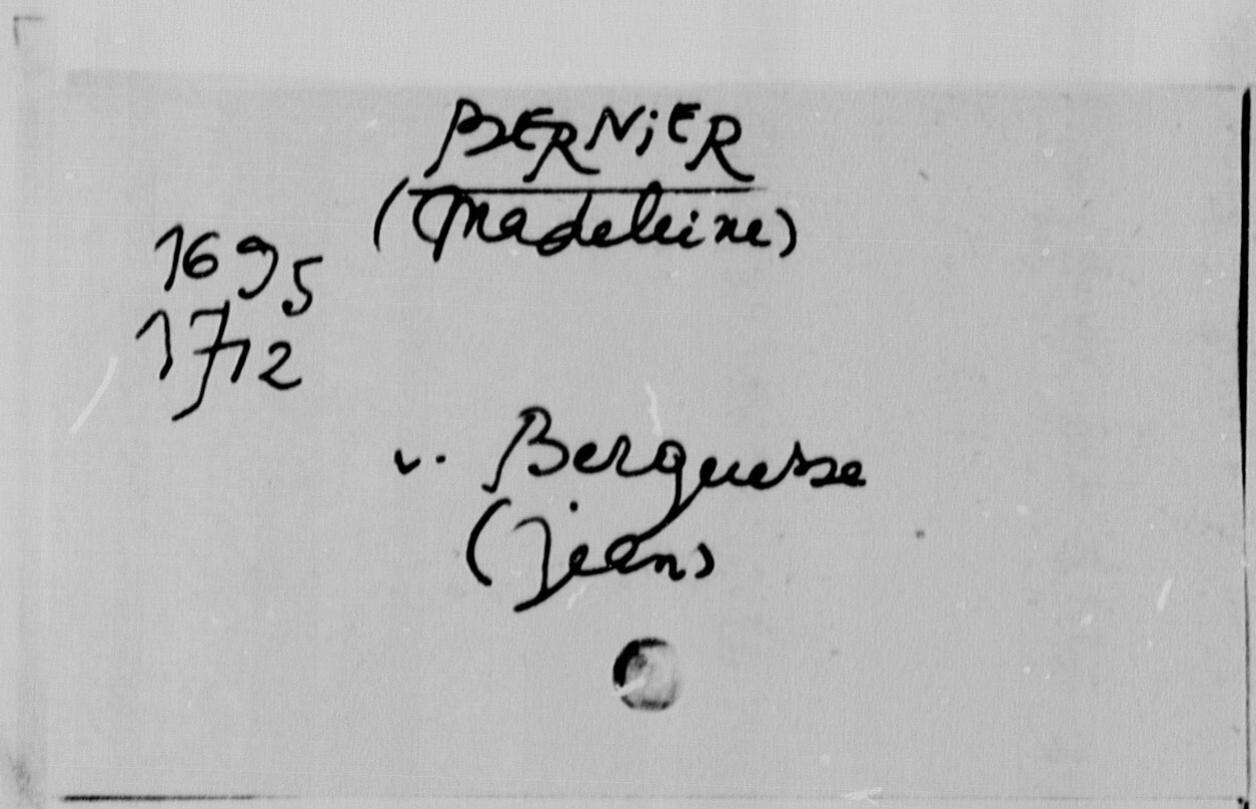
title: BERNIER (Madeleine)
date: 1695-1712
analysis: Voir Berguesse (Jean)
